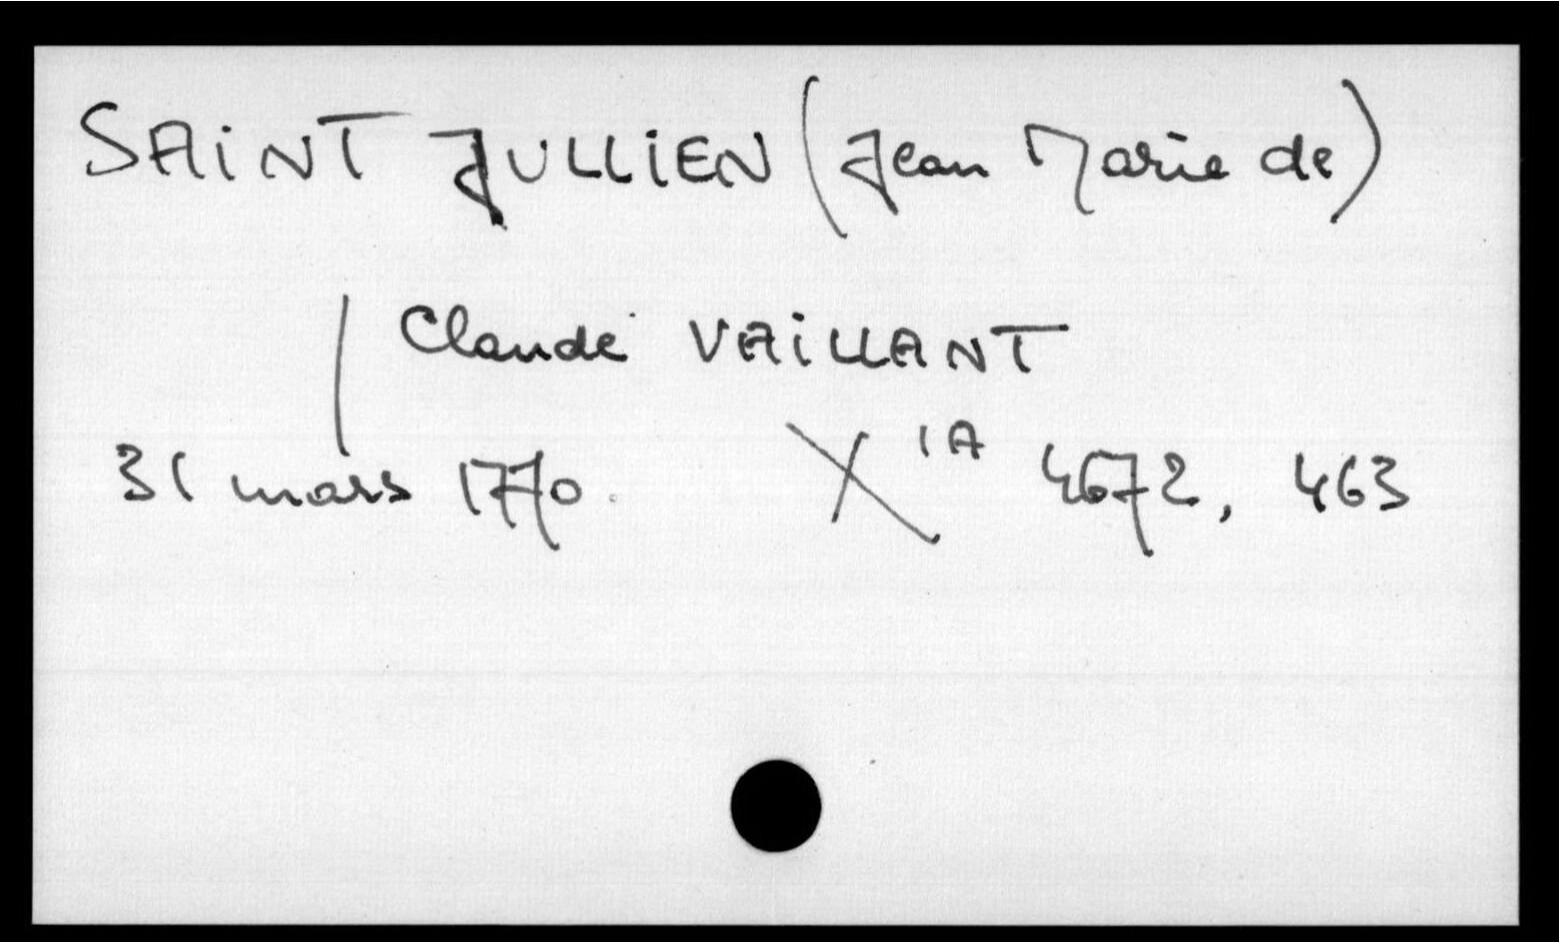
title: SAINT JULLIEN (Jean Marie de)
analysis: Contre Claude VAILLANT
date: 3 mars 1770
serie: X1A
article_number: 4672
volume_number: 463
